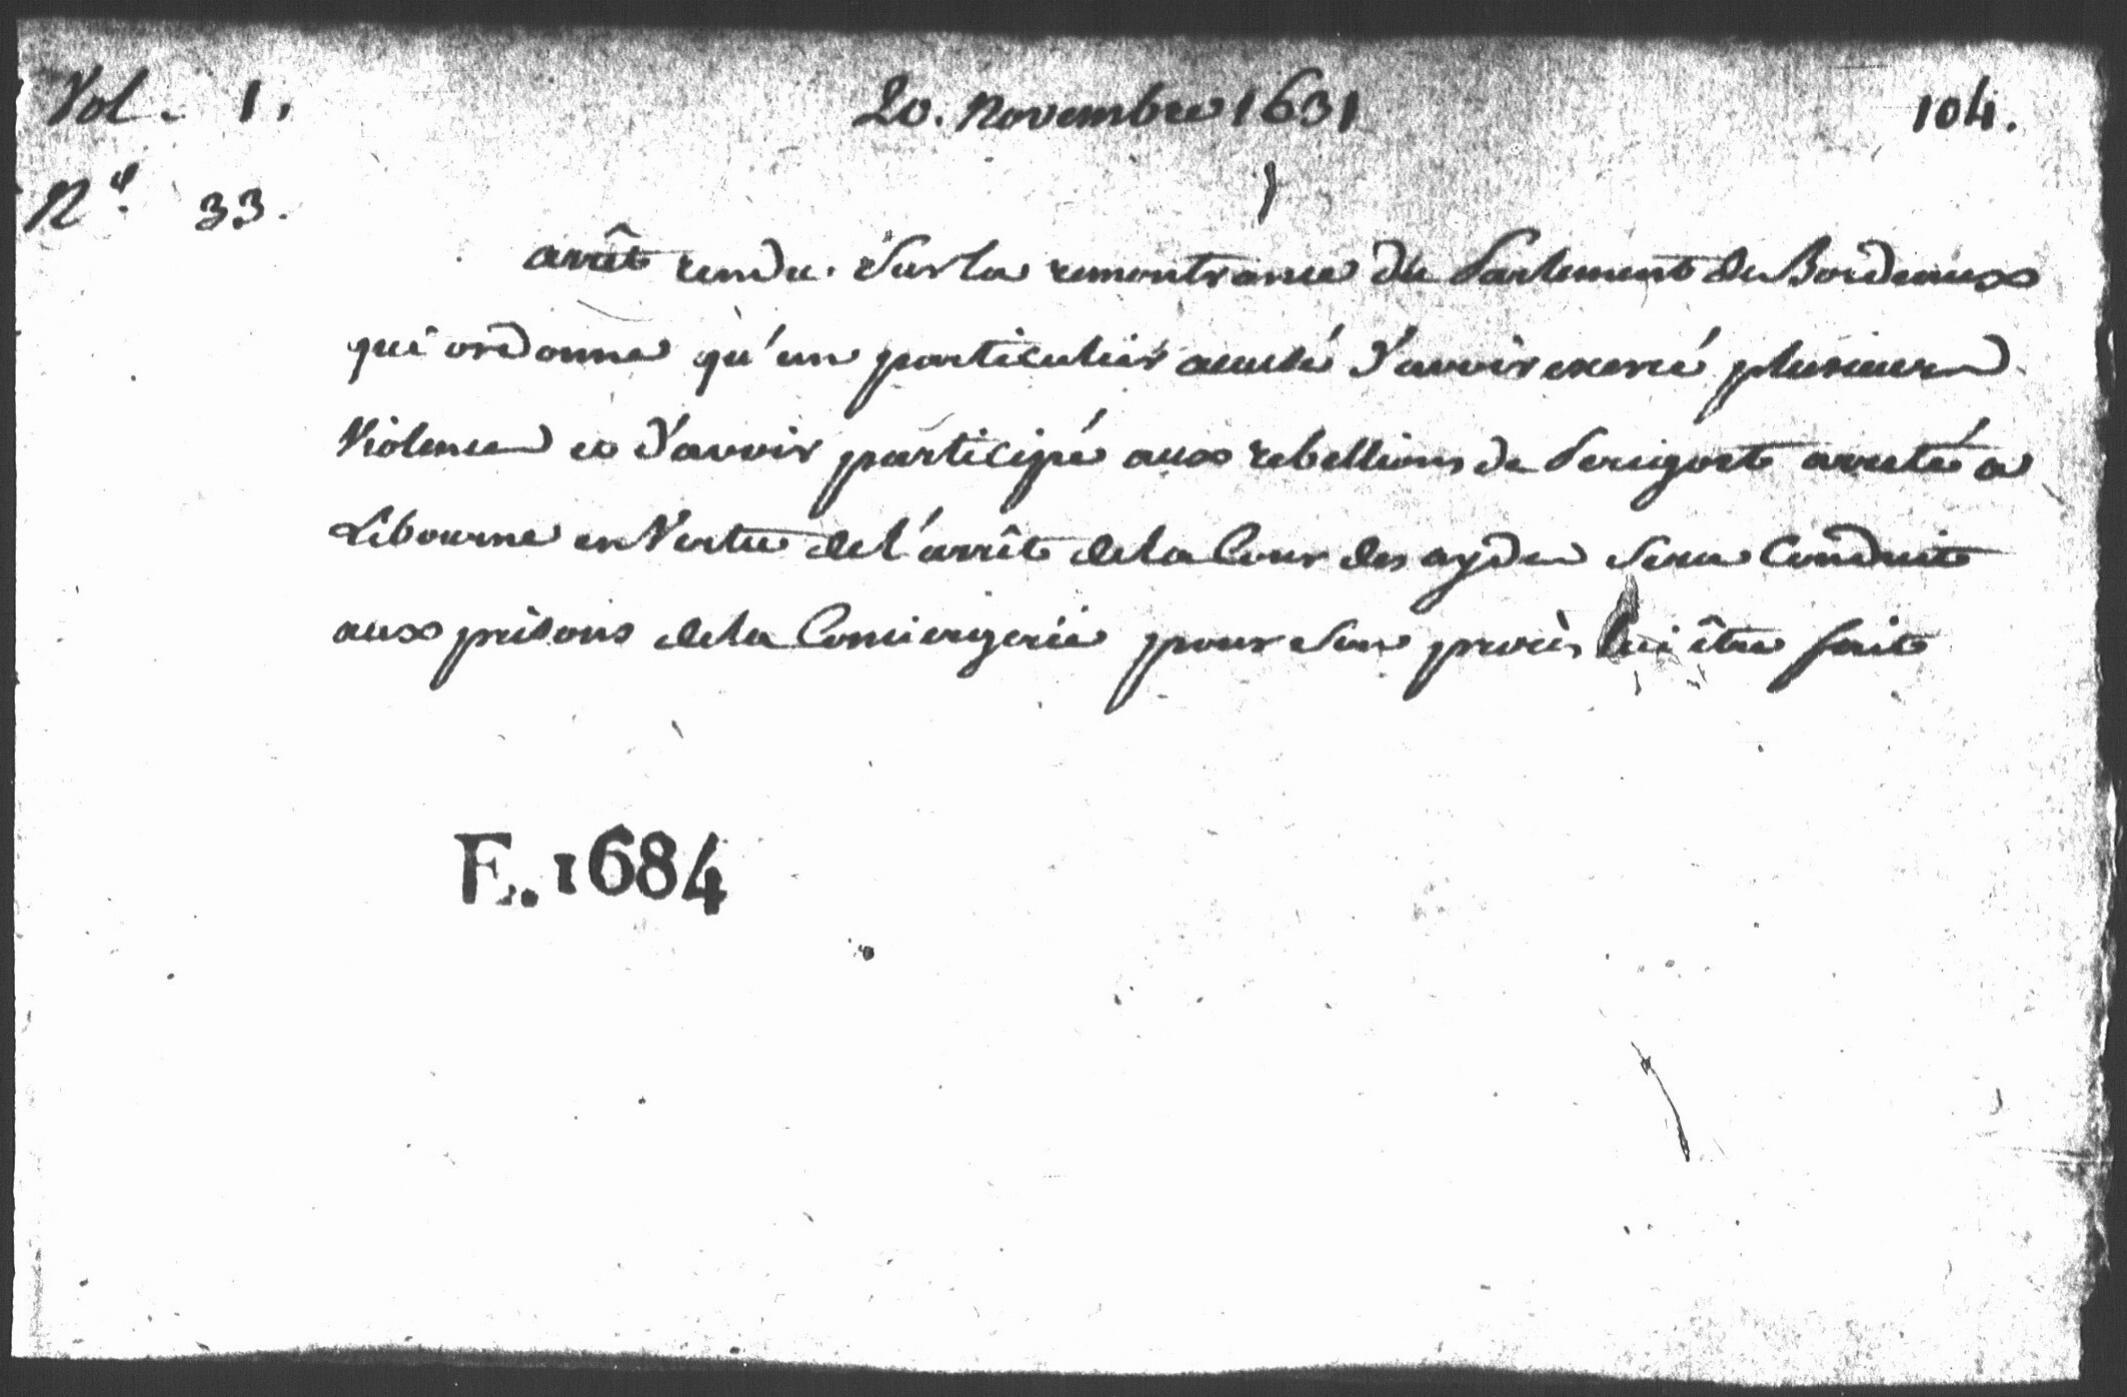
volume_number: n°33
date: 20 novembre 1631
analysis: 104.
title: arrêt rendu sur la remontrance du Parlement de Bordeaux qui ordonne qu'un particulier accusé d'avoir exercé plusieurs violences et d'avoir participé aux rebellions de Perigort arreté a Libourne en vertu de l'arrêt de la Cour des Aydes sera conduit aux prisons de la Conciergerie pour son procès lui être fait
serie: E
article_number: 1684
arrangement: vol. 1.
